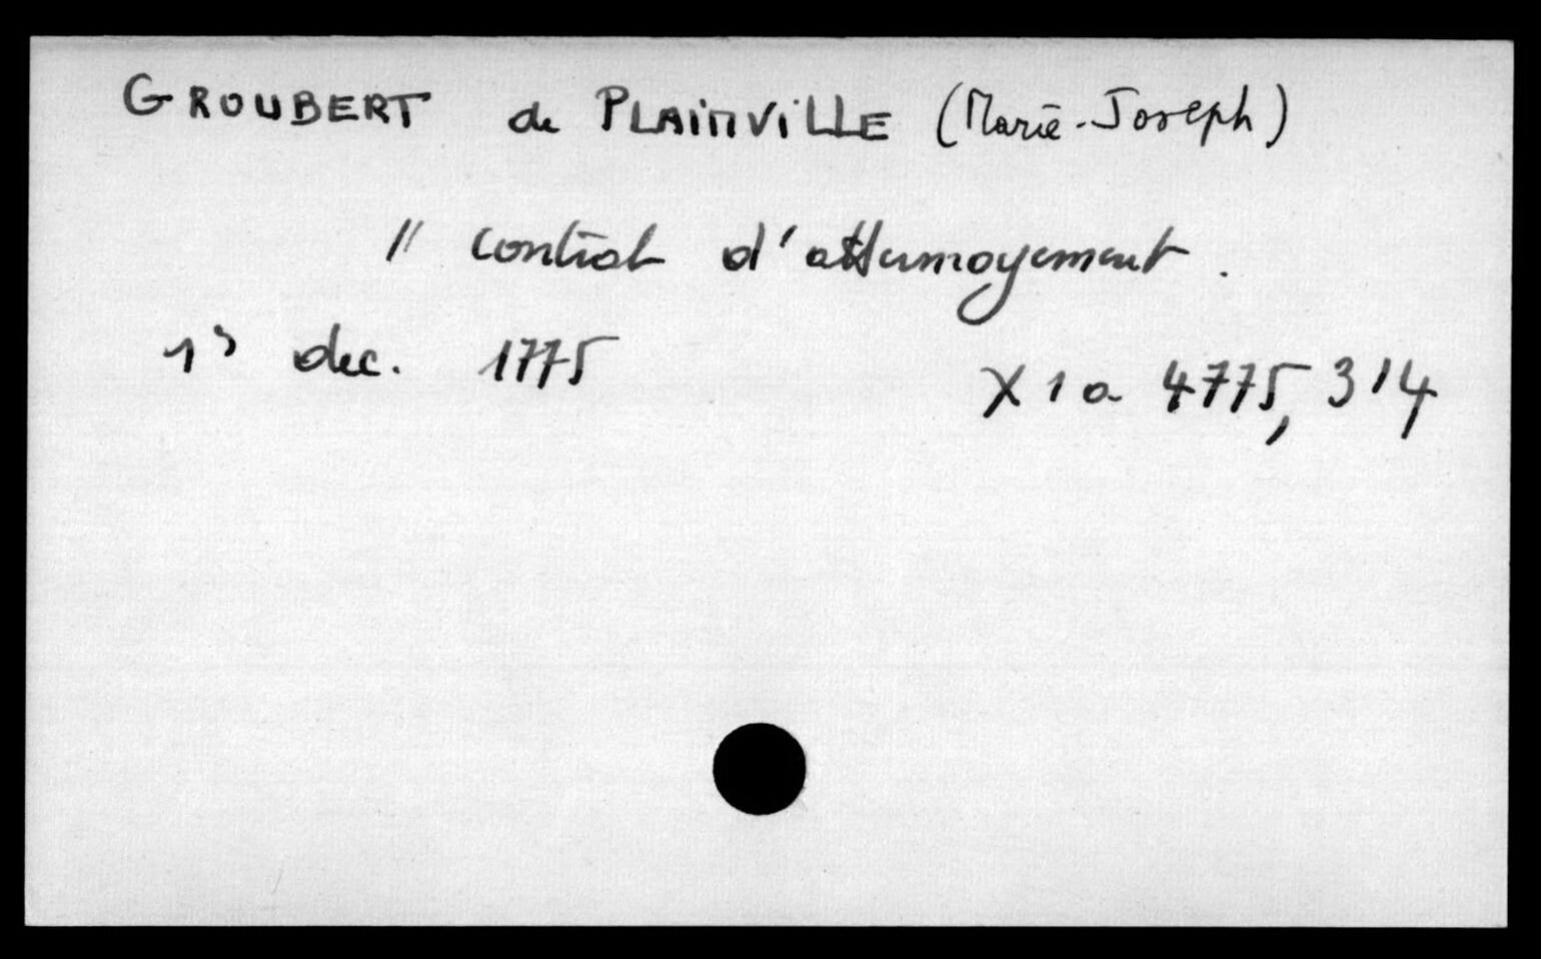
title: GROUBERT de PLAINVILLE (Marie-Joseph)
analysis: contrat d'attermoyement
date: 1er décembre 1775
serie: X1a
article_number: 4775
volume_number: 314
